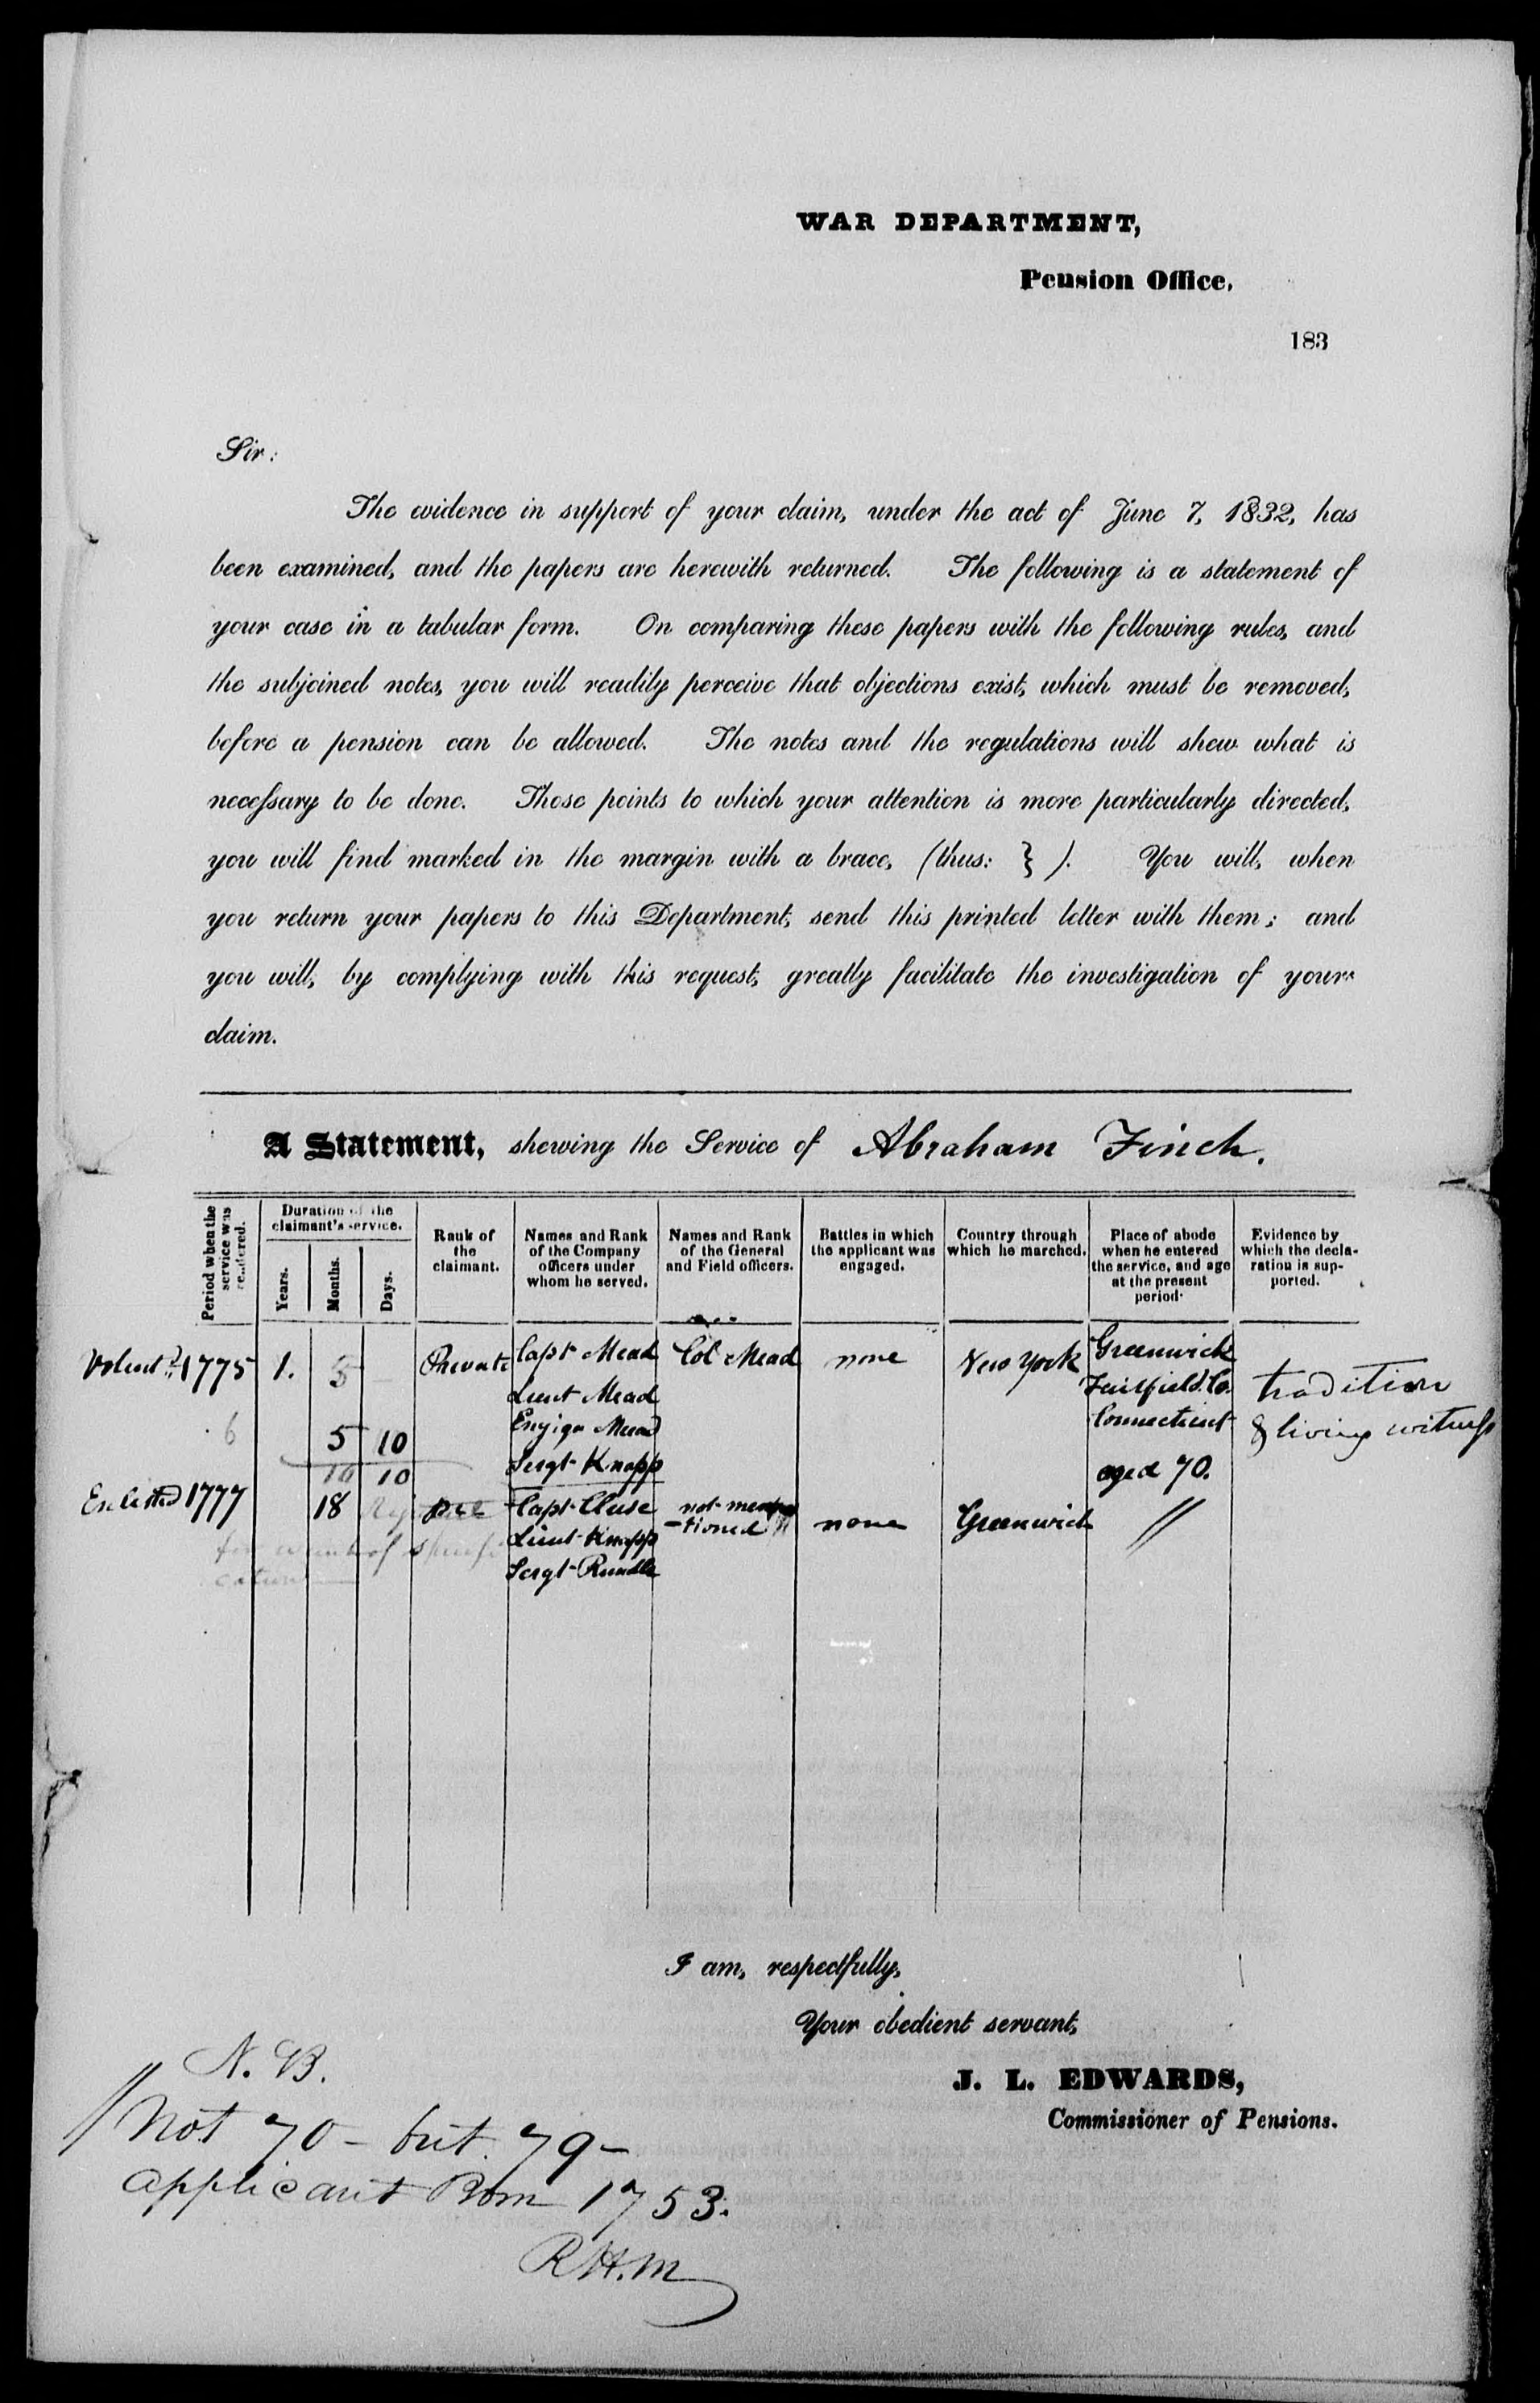Sir:
The evidence in support of your claim, under the act of June 7, 1832, has been examined, and the papers are herewith returned.  The following is a statement of your case in a tabular form.  On comparing these papers with the following rules and subjoined notes, you will readily perceive that objections exist, which must be removed, before a pension can be allowed.  The notes and the regulations will show what is necessary to be done.  Those points to which your attention is more particularly directed, you will find marked in the margin with a brace, (thus }).  You will, when you return your papers to this Department, send this printed letter with them, and you will by complying with this request, greatly facilitate the investigation of your claim.
Statement showing the Service of Abraham Finch
Period when the service was entered (illegible) 1775  Duration fo the claimant's service 1 year 5 months  Rank of the claimant Private
Names and Rank of the Company officers under whom he served Capt Mead (illegible) Mead Ensign Mead Sergeant Knapp Capt (Illegible) (illegible) Knapp Sergeant Rundle
Names and Rank of the General and Field Officers Col Mead  Battles in which the applicant was engaged none  County through which he marched New York Greenwich  Place of abode when entered the service, and age at the present period  Greenwich Fairfield County Connecticut  Aged 70  Evidence by which the declaration is supported  Tradition and Living with wife  I am, respectfully your obedient servant, J.L. EDWARDS, Commissioner of Pensions  A.B. //not 70 - but 79 applicant born 1753 RHM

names: Knapp, J L Edwards, Abraham Finch, Russell, Mead, Mead, Mead, Close, Knapp, Mead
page: 9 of 35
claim: survivor's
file: S. 28727, Abraham Finch, Conn.